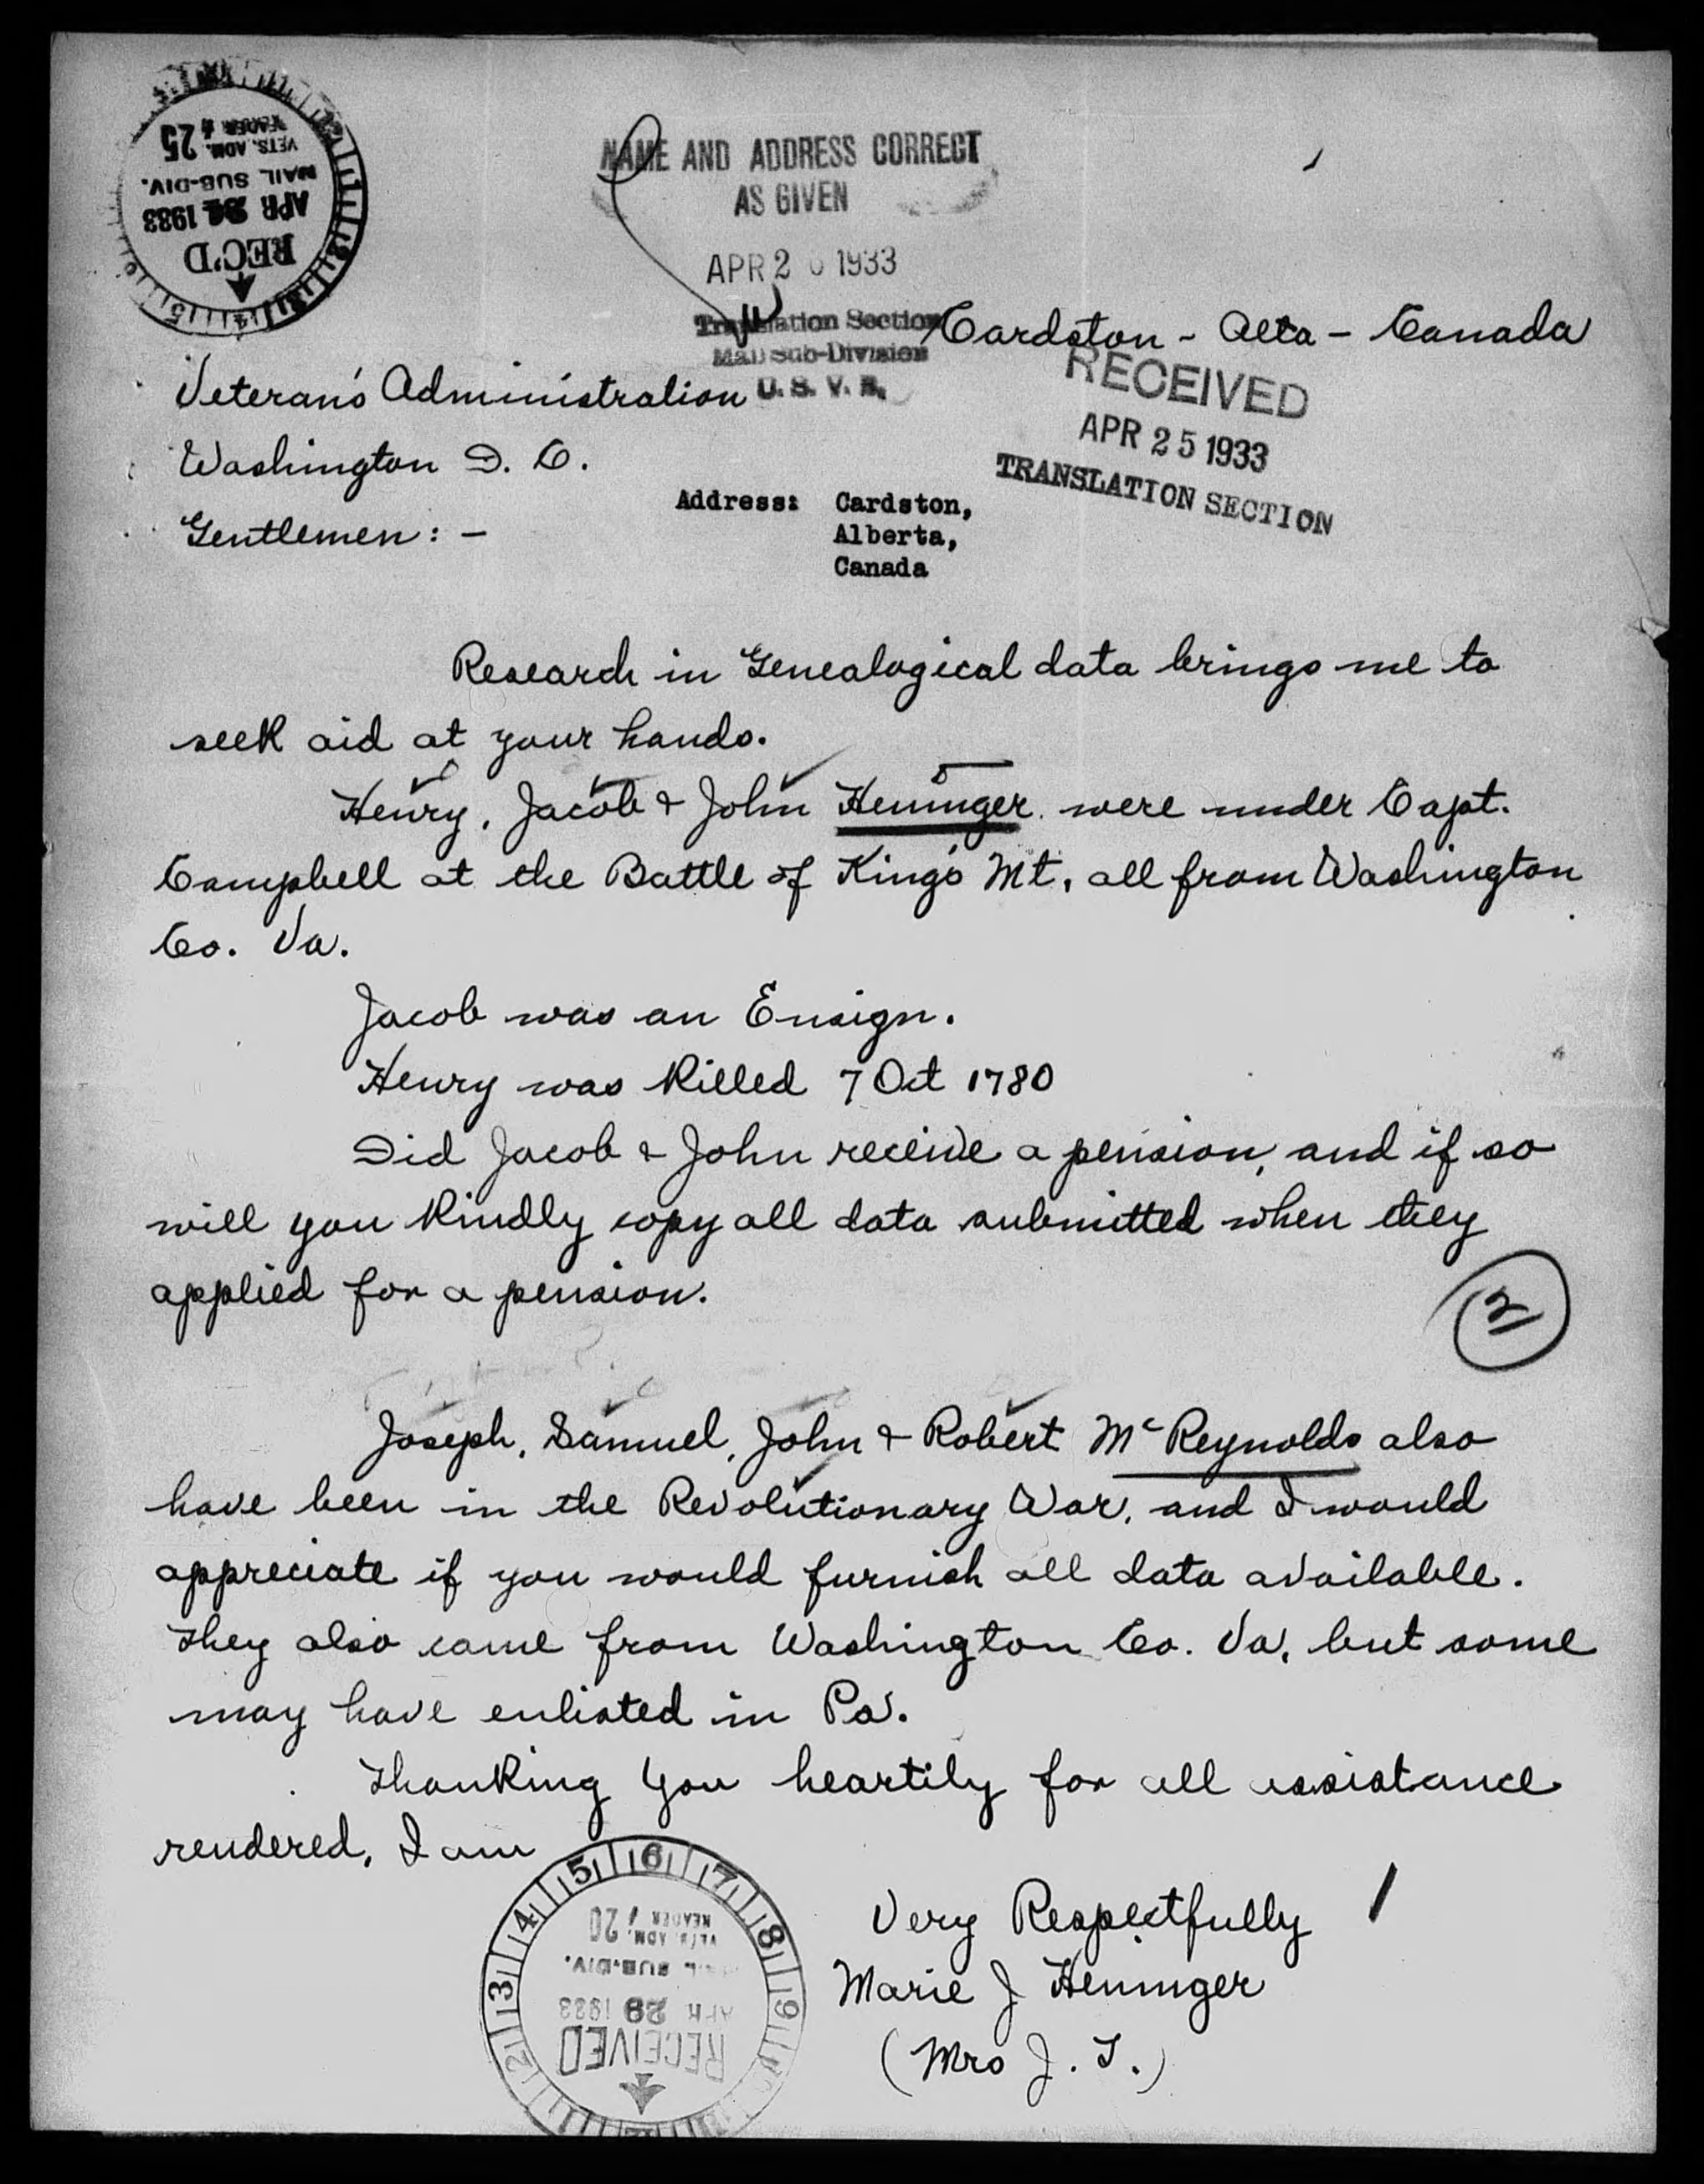Received Stamp - Apr 24 1933 Vet Adm
Received Apr 25, 1933 - Translation section

Cardston Alberta Canada

Veteran's Administration
Washington, D.C.

Gentlemen:

Research in genealogical data brings me to seek aid at your hands.

Henry, Jacob & John Heninger were under Capt. Campbell at the Battle of King's Mt all from Washington, Co. VA.

Jacob was an ensign.
Henry was killed 7 Oct 1780
Did Jacob & John receive a pension and if so, will you kindly copy all data submitted when they applied for pension.

Joseph, Daniel, John & Robert McReynolds also have been in the Revolutionary War, and I would appreciate if you would furnish all data available. They also came from Wasington Co, VA but some may have enlisted in PA.

Thanking you heartily for all assistance rendered, I am

Very respectfully
Marie J Heninger
(Mrs. J.T.)

Received Stamp Apr 29, 1933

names: Joseph Mc Reynolds, Henry Heninger, Henry, Robert Mc Reynolds, Samuel Mc Reynolds, Campbell, Jacob, John Mc Reynolds, John Heninger, Marie J Heninger, Jacob Heninger, John, Jacob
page: 17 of 18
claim: survivor's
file: S. 15,884, John Hennigar, Md.